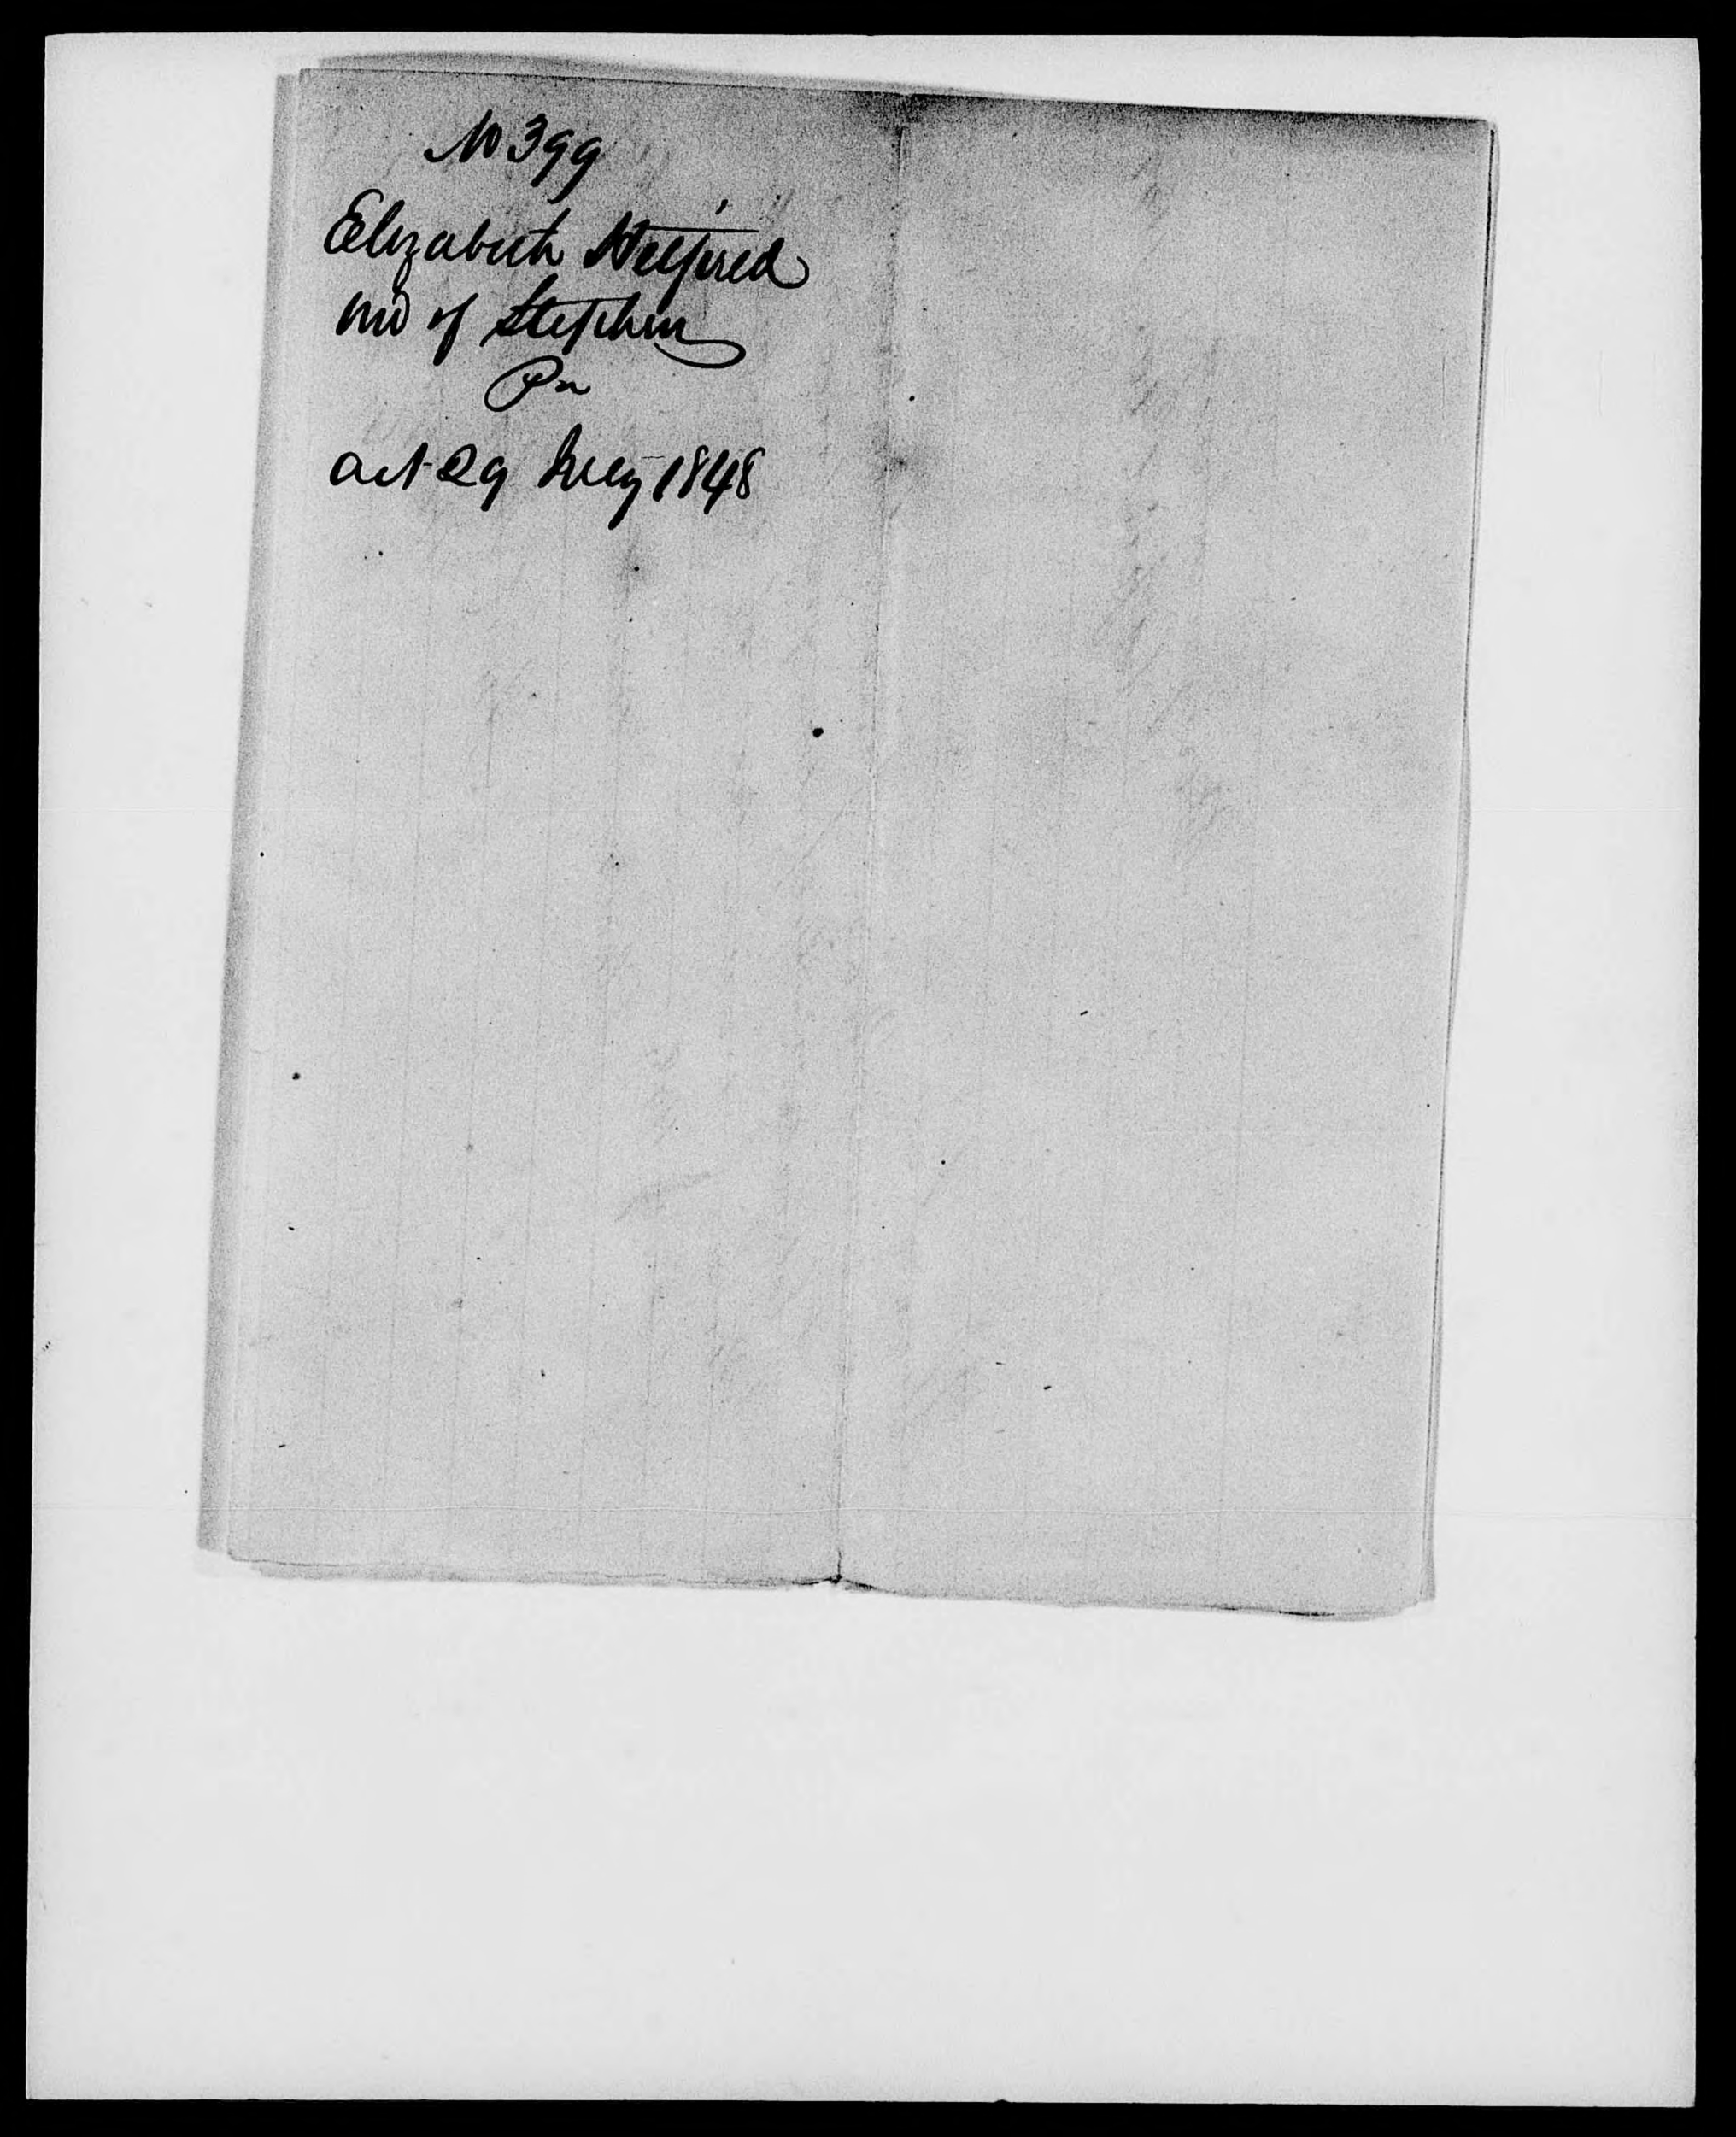No 399
Elizabeth Hetfield
wid of Stephen
Pa
Act 29 July 1848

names: Elizabeth Hetfield, Stephen Hetfield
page: 30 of 45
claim: widow's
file: W. 2734, Stephen Hetfield, New Jersey